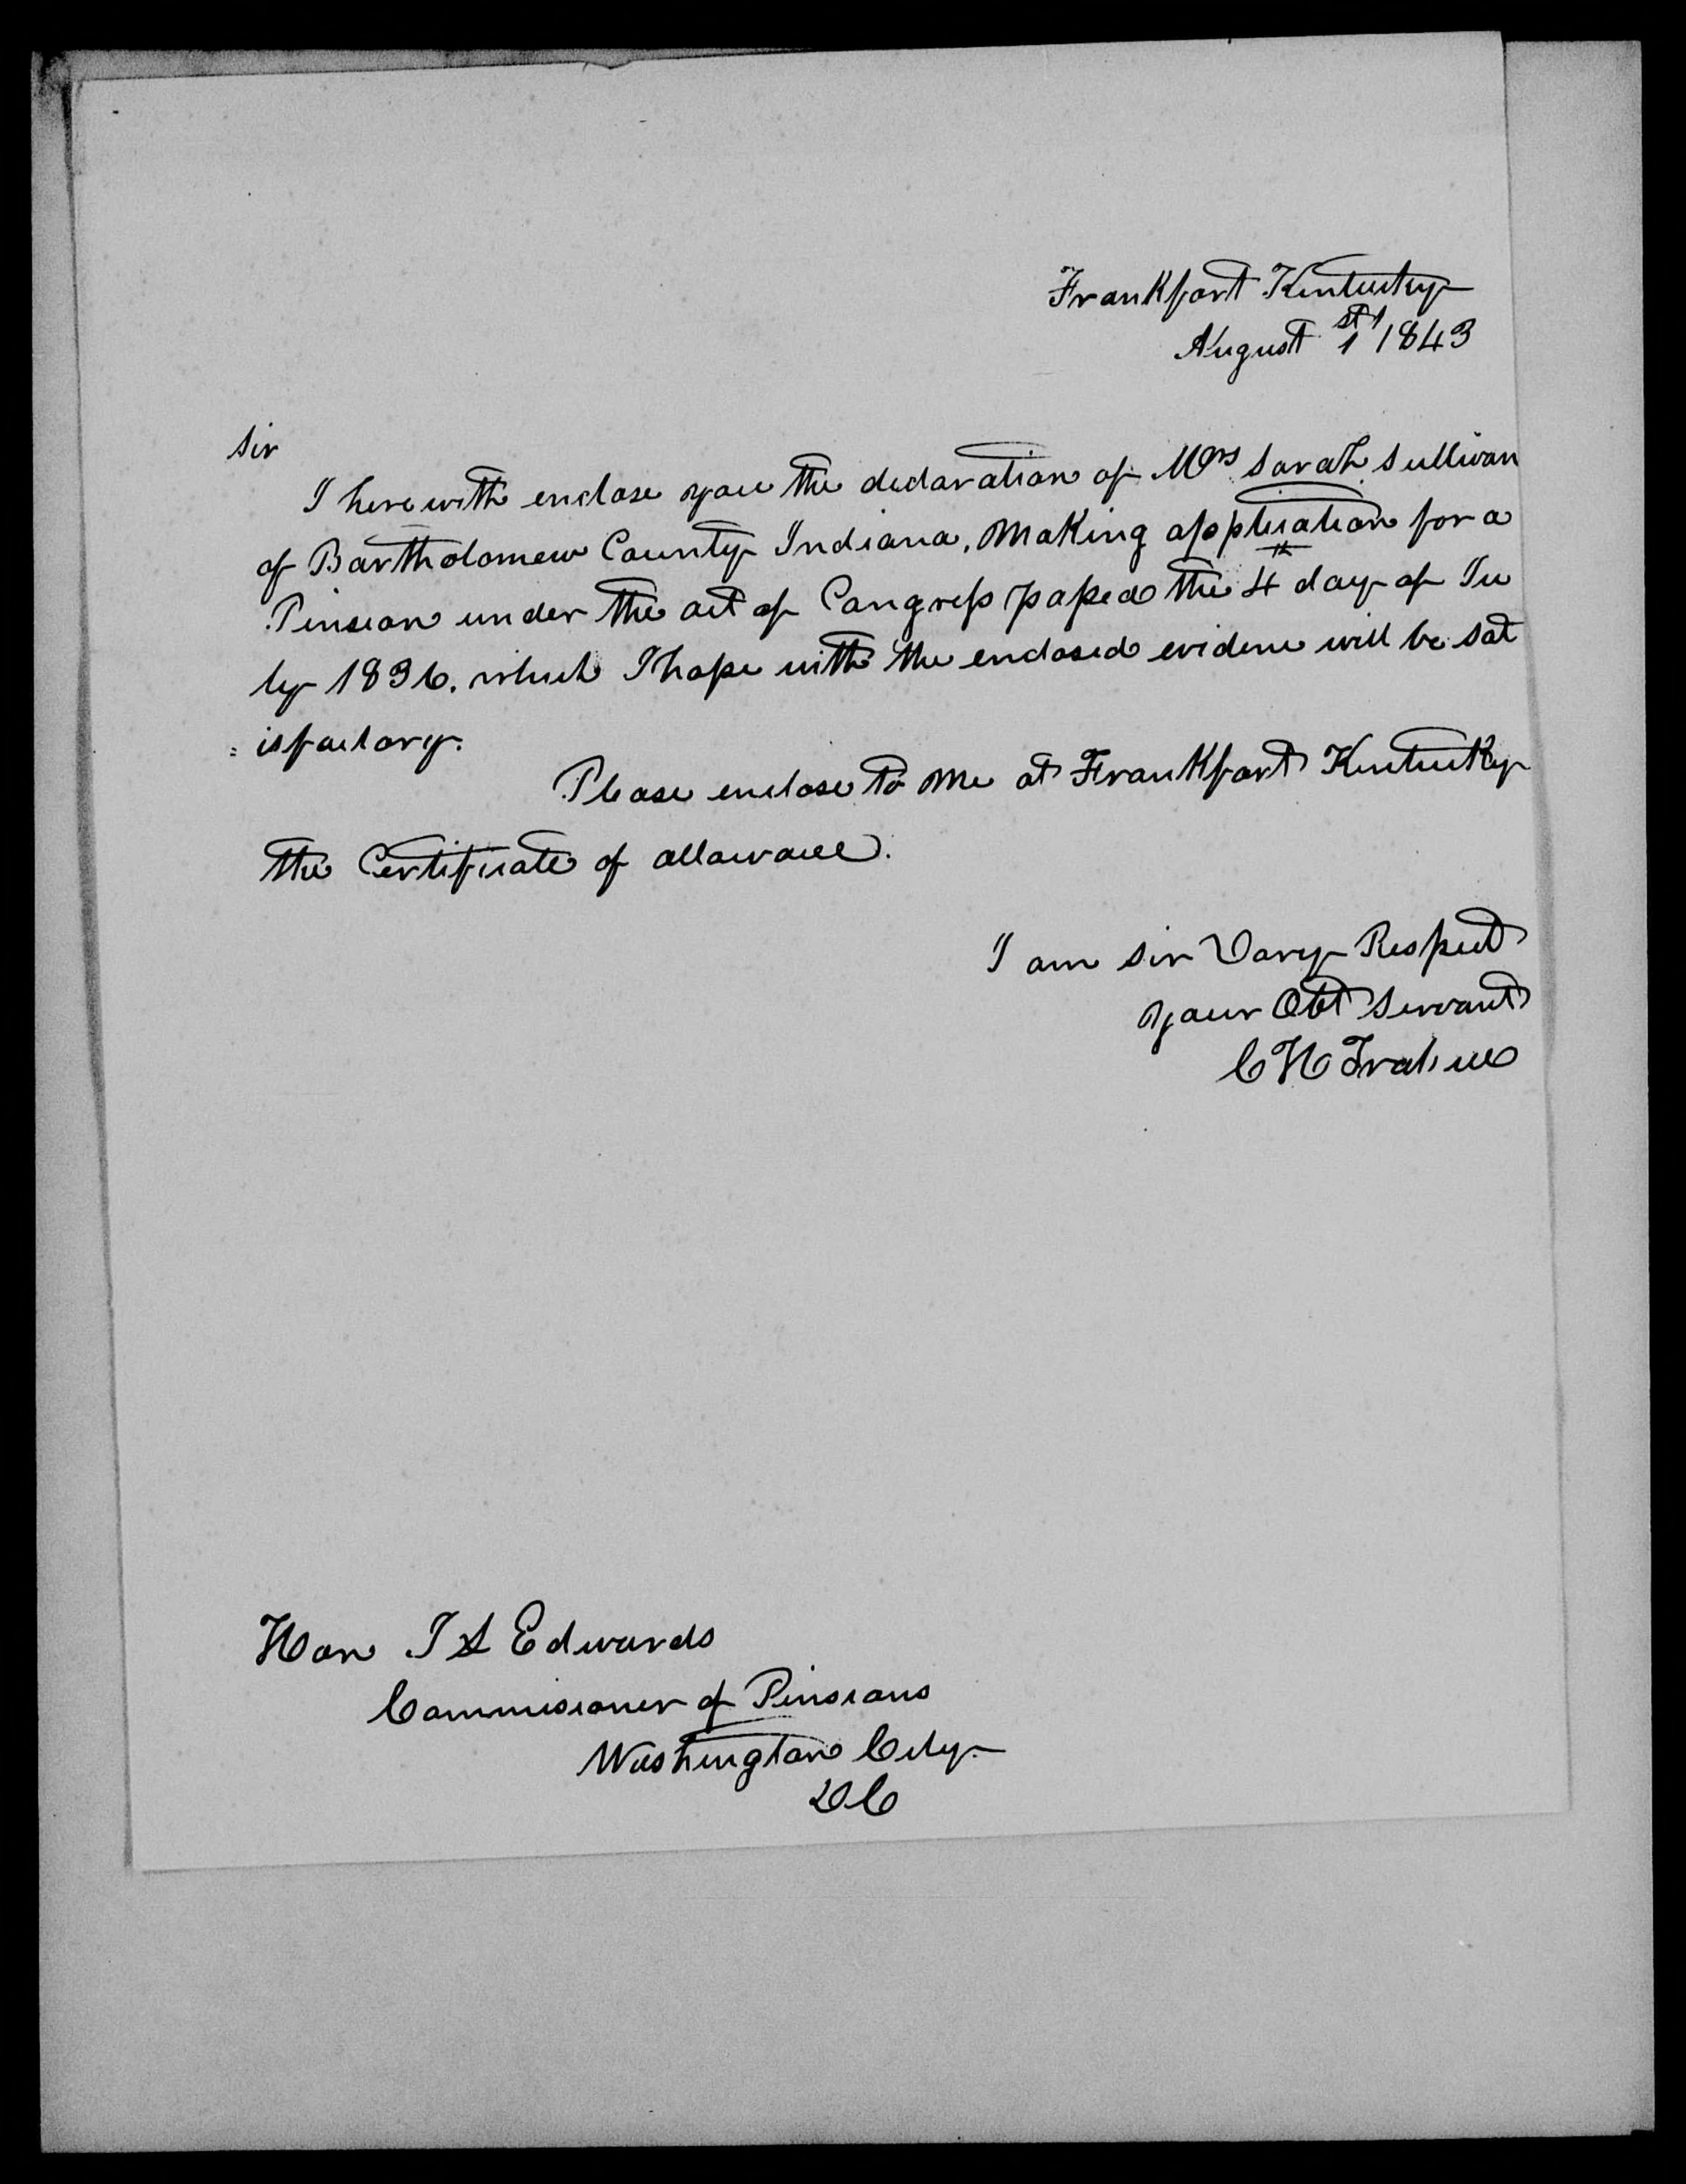Frankfort Kentucky
August 1st 1843

Sir

I herewith enclose you the declaration of Mrs Sarah Sullivan of Bartholomew County Indiana making application for a Pension under the act of Congress passed the 4th day of July 1836, which I hope with the enclosed evidence will be satisfactory.

Please enclose to me at Frankfort Kentucky the certificate of allowance.

I am sir Very Respect [Very Respectfully]
Your Obt Servant [
[signed] C H Trabue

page: 55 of 78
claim: widow's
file: W. 25,169, for Daniel Sullivan, Maryland